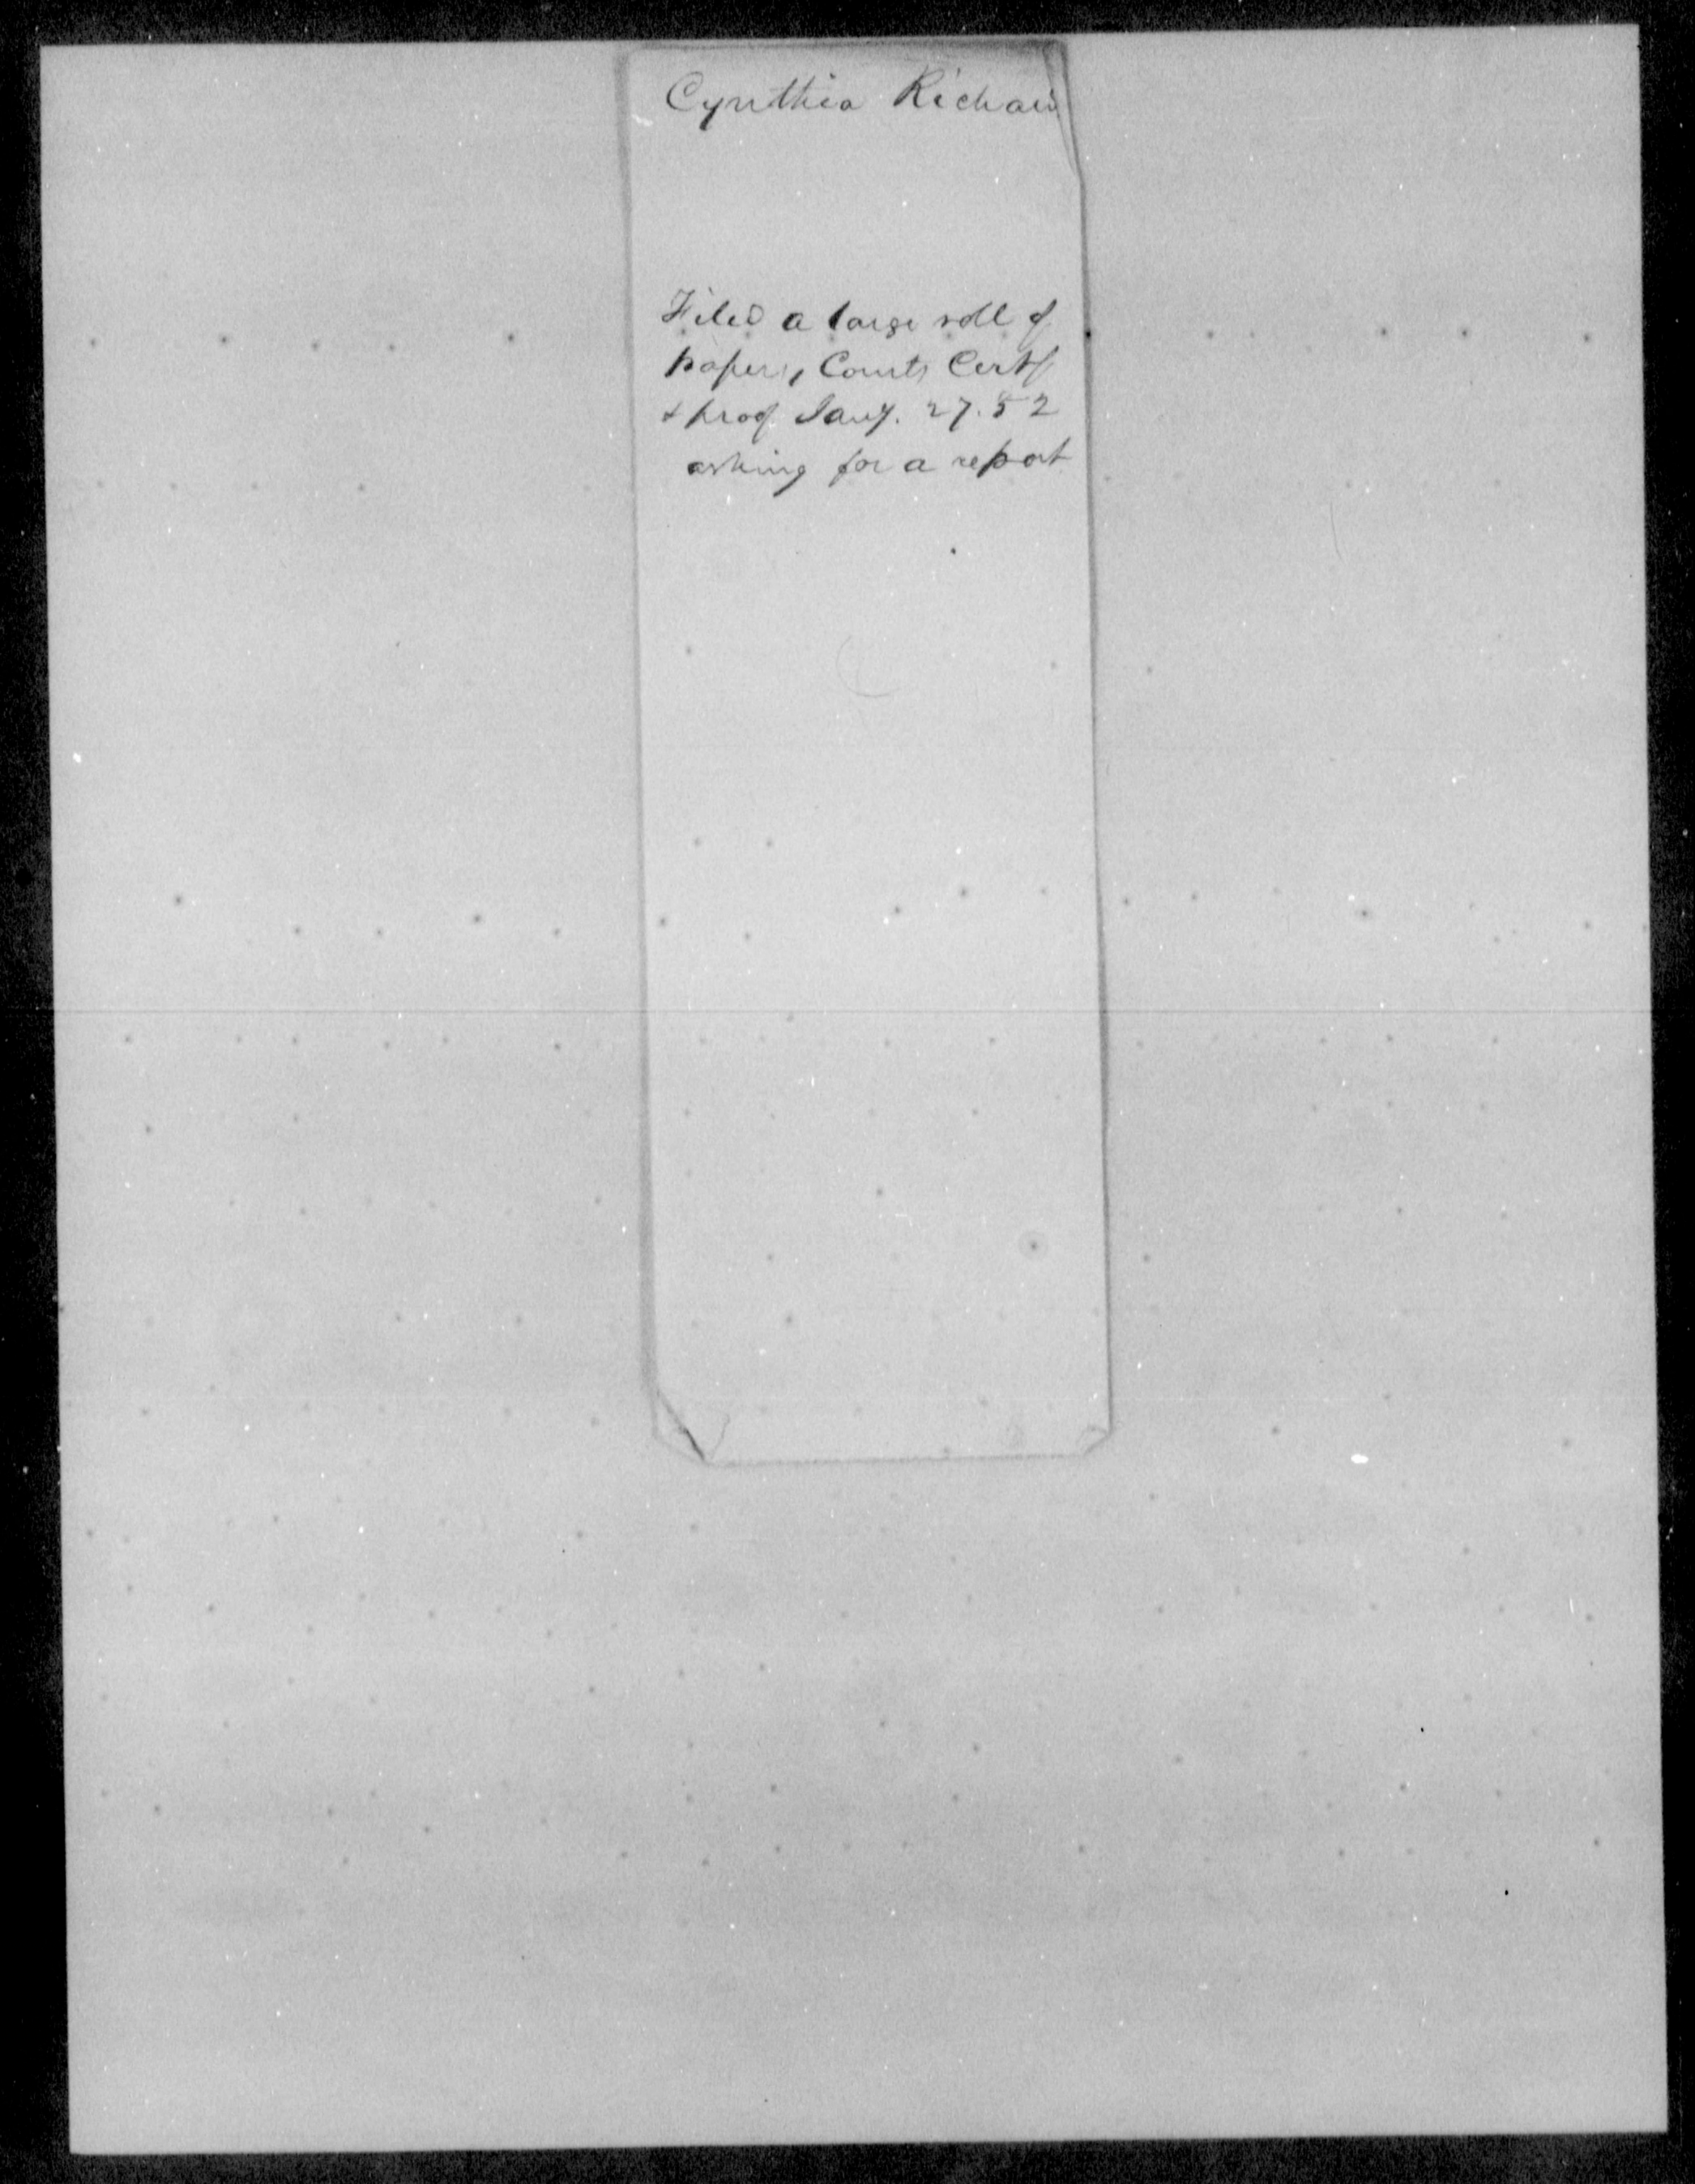-
Cynthia Richards
Filed a large roll of paper, Courts Certy [CERTIFIED] & proof Jany [JANUARY] 27. [18]52
asking for a report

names: Cynthia Richards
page: 82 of 109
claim: widow's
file: W. 5709, for Thomas Richards, New Hampshire